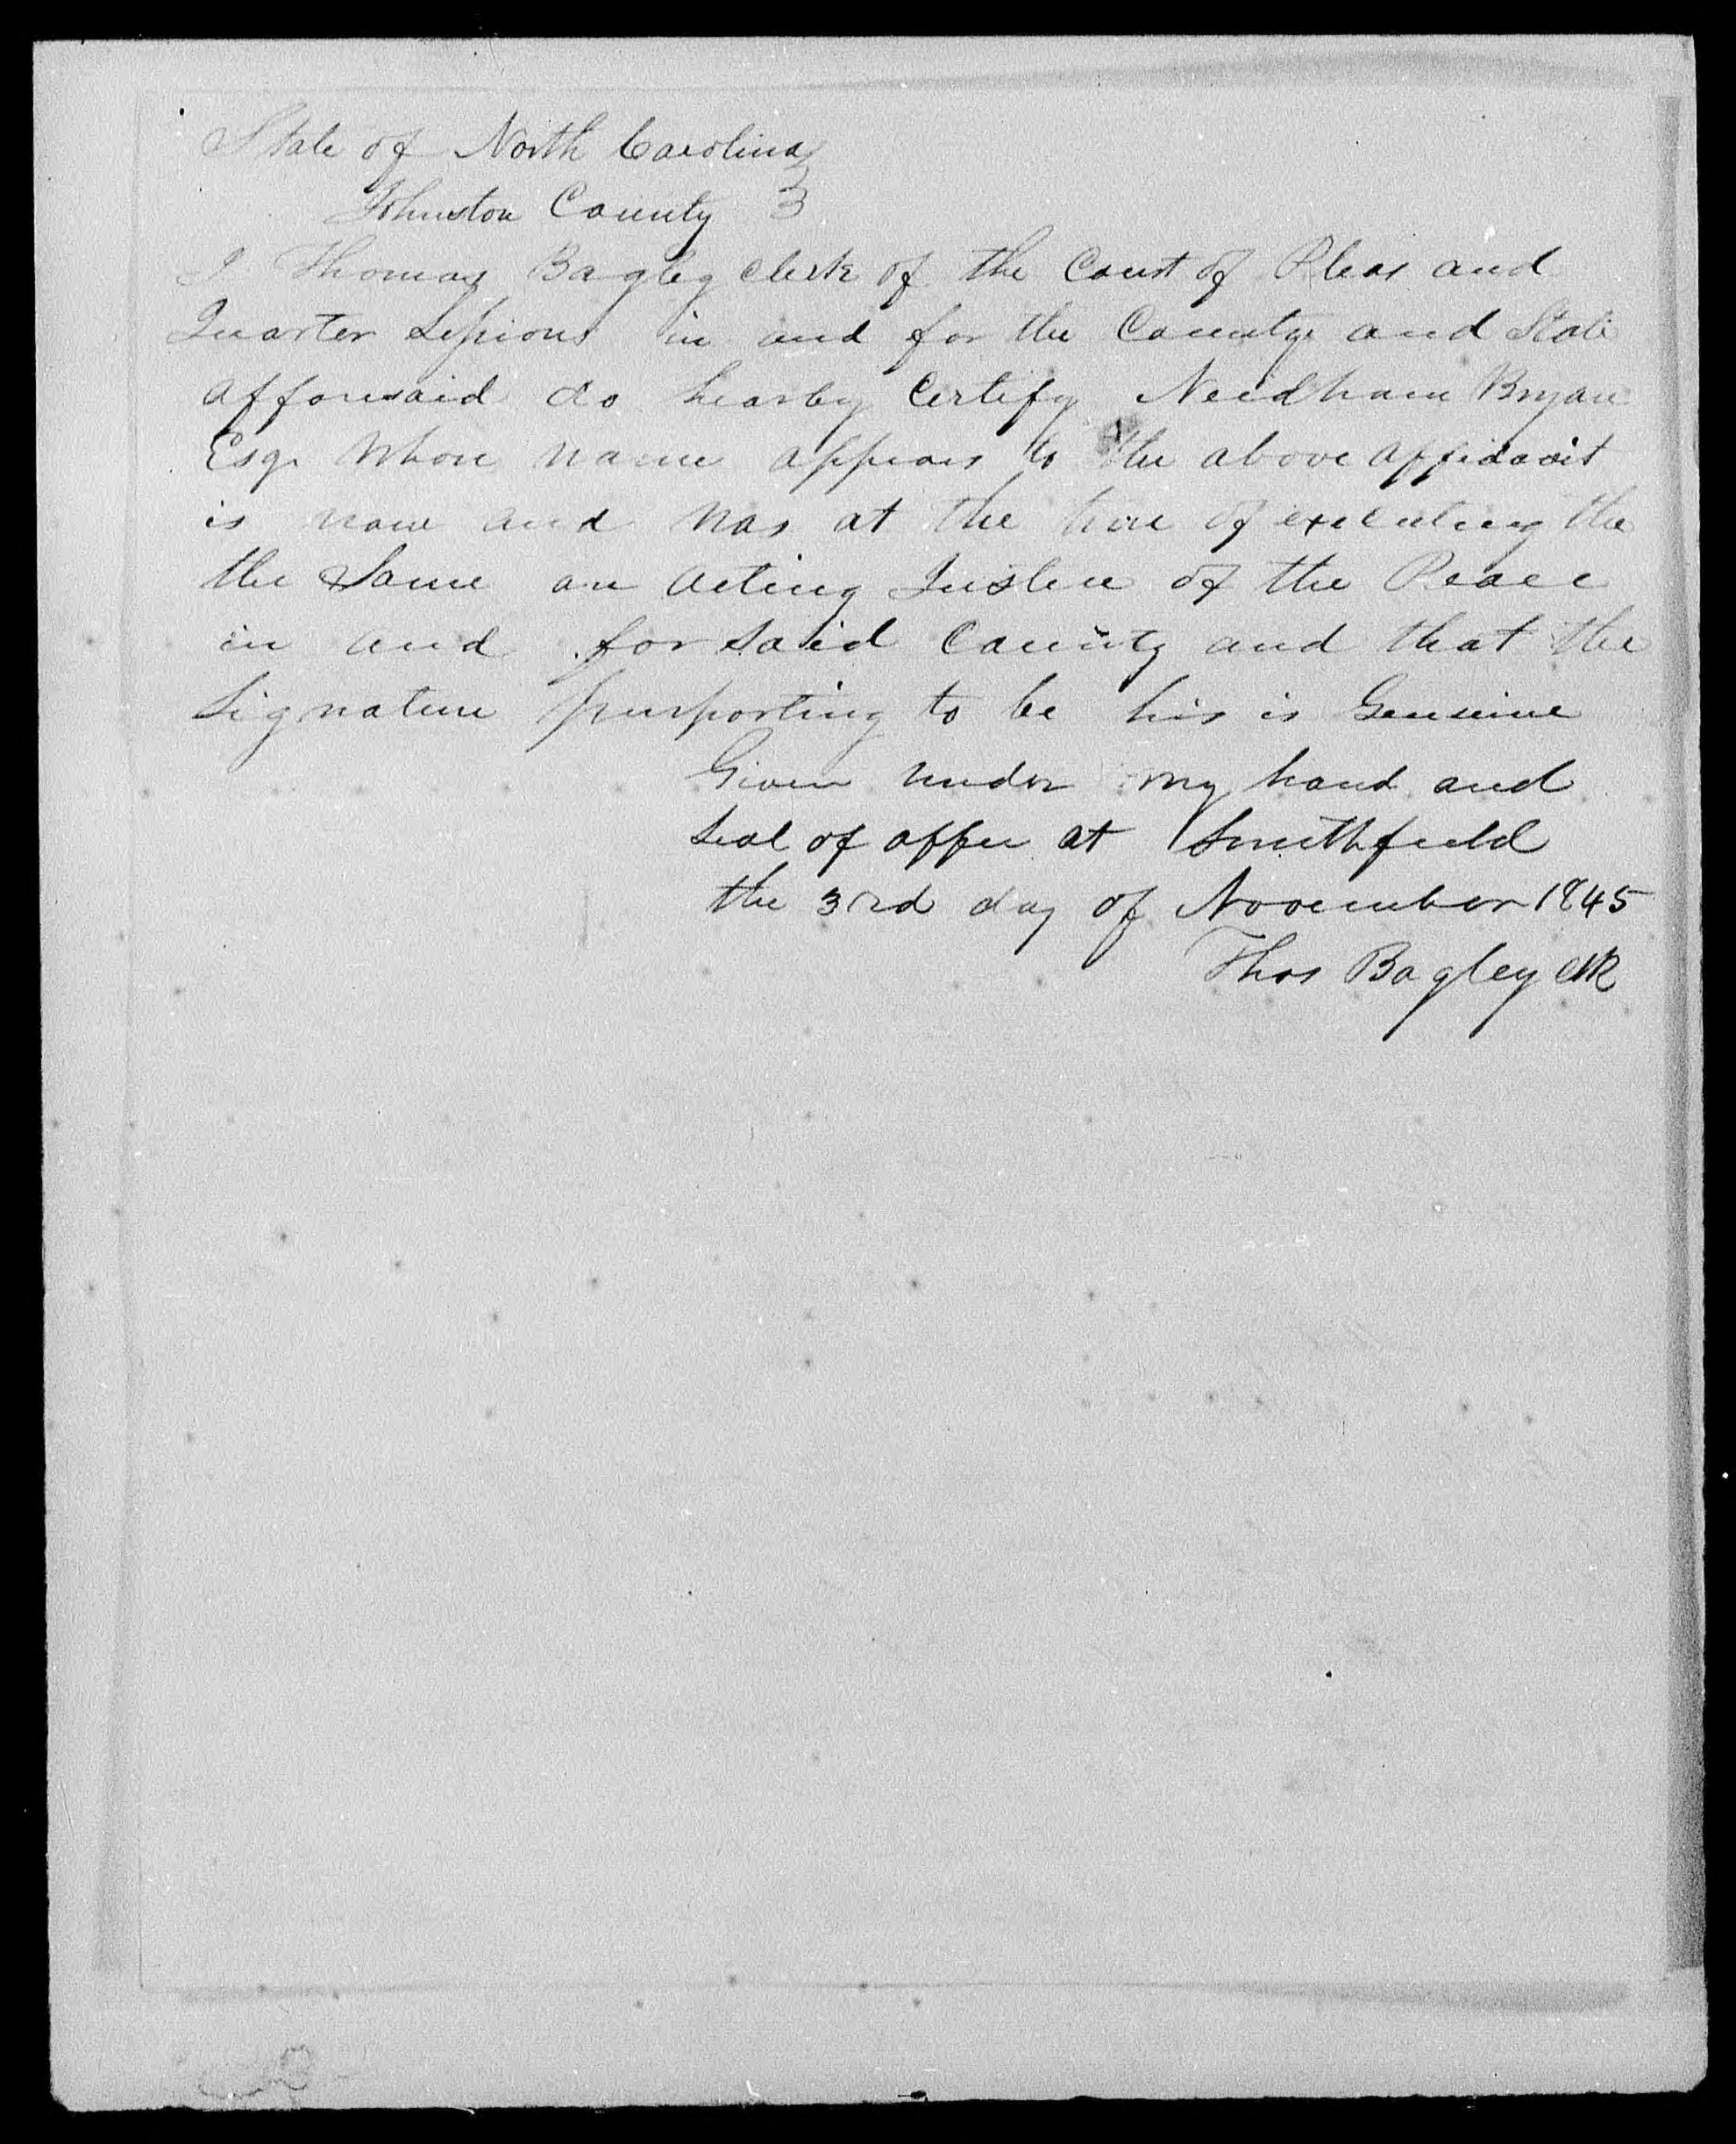State of North Carolina
Johnston County
I, Thomas Bagley, Clerk of the Court of Common Pleas and Quarter Sessions in and for the County and State aforesaid do hereby certify Nathan Bryan, Esq. whose name appears to the above affidavit is now and was at the time of [Illegible] an acting Justice of the Peace in and for said County and that the signature purporting to be his is genuine. 
Given under my hand and seal of office at Smithfield this 3rd day of November 1845.
Thomas Bagley, Clerk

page: 4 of 74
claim: rejected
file: R. 5600, for Abel Johnson, North Carolina